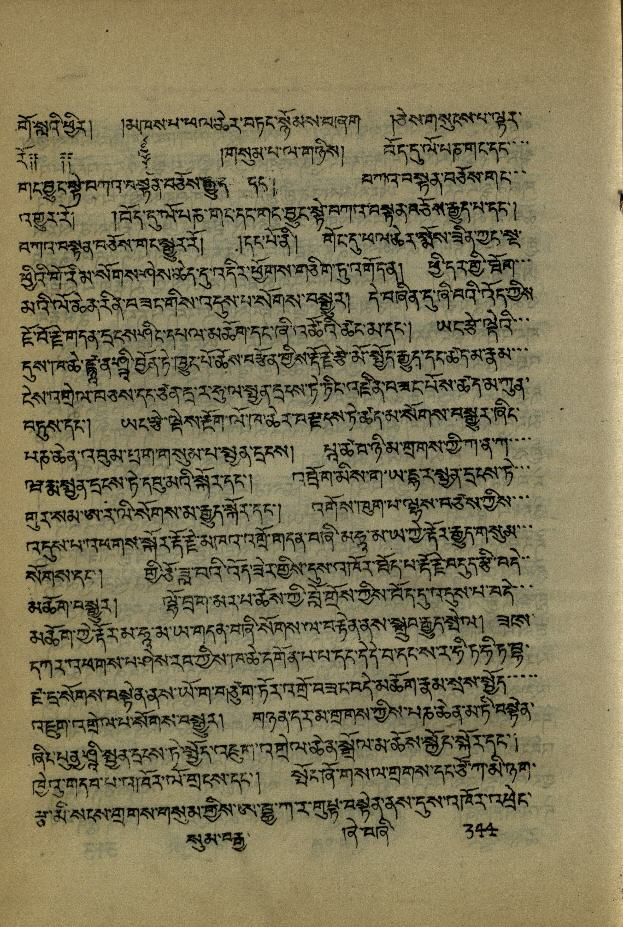གོ་སླའི་ཕྱིར། །མཁས་པ་ཕལ་ཆེར་བཏང་སྙོམས་བཞག །ཅེས་གསུངས་པ་ལྟར་
རོ༑༑ ༑༑ ༈ །གསུམ་པ་ལ་གཉིས། བོད་དུ་ལོ་པཎ་གང་དང་
གང་བྱུང་སྟེ་བཀའ་བསྟན་བཅོས་རྒྱུད་དང་། བཀའ་བསྟན་བཅོས་གང་
འགྱུར་རོ༑ །བོད་དུ་ལོ་པཎ་གང་དང་གང་བྱུང་སྟེ་བཀའ་བསྟན་བཅོས་རྒྱུད་པ་དང་།
བཀའ་བསྟན་བཅོས་གང་སྒྱུར་རོ། །དང་པོ་ནི། གོང་དུ་ཕལ་ཆེར་སྨོས་ཟིན་ཀྱང་སྔ་
ཕྱིའི་གོ་རིམ་སོགས་ཤེས་ཆེད་དུ་འདིར་ཕྱོགས་གཅིག་ཏུ་འགོད་ན། ཕྱི་དར་གྱི་ཐོག་
མའི་ལོ་ཆེན་རིན་བཟང་གིས་འདུས་པ་སོགས་བསྒྱུར། དེ་བཞིན་དུ་ཞི་བའི་འོད་ཀྱིས་
ཇོ་བོ་རྗེ་གདན་དྲངས་ཤིང་དཔལ་མཆོག་དང་ཞི་འཚོའི་ཚང་མ་དང་། ཡང་རྩེ་ལྡེའི་
དུས་ཁ་ཆེ་ཛྙཱ་ན་ཤྲཱི་བྱོན་ཏེ་ཁྱུང་པོ་ཆོས་བརྩོན་གྱིས་རྡོ་རྗེ་རྩེ་མོ་སྤྱོད་རྒྱུད་དང་ཚད་མ་རྣམ་
ངེས་འགྲེལ་བཅས་དང་ཙན་དྲ་ར་ཧུ་ལ་སྤྱན་དྲངས་ཏེ་ཏིང་འཛིན་བཟང་པོས་ཚད་མ་ཀུན་
བཏུས་དང་། ཡང་རྩེ་ལྡེས་རྔོག་ལོ་ཁ་ཆེར་བརྫངས་ཏེ་ཚད་མ་སོགས་བསྒྱུར་ཞིང་
པཎ་ཆེན་འབུམ་ཕྲག་གསུམ་པ་སྤྱན་དྲངས། པཱ་ཚ་བ་ཉི་མ་གྲགས་ཀྱི་ཀ་ན་ཀ་
ཝརྨ་སྤྱན་དྲངས་ཏེ་དབུ་མའི་སྐོར་དང་། འབྲོག་མིས་ག་ཡ་དྷ་ར་སྤྱན་དྲངས་ཏེ་
གུར་སམ་ཨ་ར་ལི་སོགས་མ་རྒྱུད་སྐོར་དང་། འགོས་ཁུག་པ་ལྷས་བཙས་ཀྱིས་
འདུས་པ་འཕགས་སྐོར་རྡོ་རྗེ་མཁའ་འགྲོ་གདན་བཞི་མྷཱ་མ་ཡ་ཀྱེ་རྡོར་རྒྱུད་གསུམ་
སོགས་དང་། གྱི་ཅོ་ཟླ་བའི་འོད་ཟེར་གྱིས་དུས་འཁོར་ཐོད་པ་རྡོ་རྗེ་བདུད་རྩི་བདེ་
མཆོག་བསྒྱུར། ལྷོ་བྲག་མར་པ་ཆོས་ཀྱི་བློ་གྲོས་ཀྱིས་བོད་དུ་འདུས་པ་བདེ་
མཆོག་ཀྱེ་རྡོར་མ་ཧཱ་མ་ཡ་གདན་བཞི་སོགས་ལ་བརྟེན་ནས་སྒྲུབ་རྒྱུད་སྤེལ། ཟངས་
དཀར་འཕགས་པ་ཤེས་རབ་ཀྱིས་ཁ་ཆེ་དགོན་པ་པ་དང་དེ་དེ་བ་དང་ས་ར་ཧི་ཏ་ཧི་ཏ་བྷ་
ཛ་དྲ་སོགས་བསྟེན་ནས་ཡོ་ག་གཙུག་ཏོར་འགྲོ་བཟང་བདེ་མཆོག་རྣམ་སྲས་སྤྱོད་
འཇུག་འགྲེལ་པ་སོགས་བསྒྱུར། གཉན་དར་མ་གྲགས་ཀྱིས་པཎ་ཆེན་མ་ཏི་བསྟེན་
ཞིང་པུནྱ་ཤྲཱི་སྤྱན་དྲངས་ཏེ་སྤྱོད་འཇུག་འགྲེལ་ཆེན་སྒྲོལ་མ་ཆོས་སྐྱོང་སྐོར་དང་།
ཁྱེའུ་གདབ་པ་འཁོར་ལོ་གྲངས་དང་། སྤོང་ཞོ་གསལ་གྲགས་དང་ཙོ་ཀ་མི་ཉག་
རྩ་མི་སངས་གྲགས་གསུམ་གྱིས་ཨ་བྷྱ་ཀ་ར་གུཔྟ་བསྟེན་ནས་དུས་འཁོར་འཕྲེང་